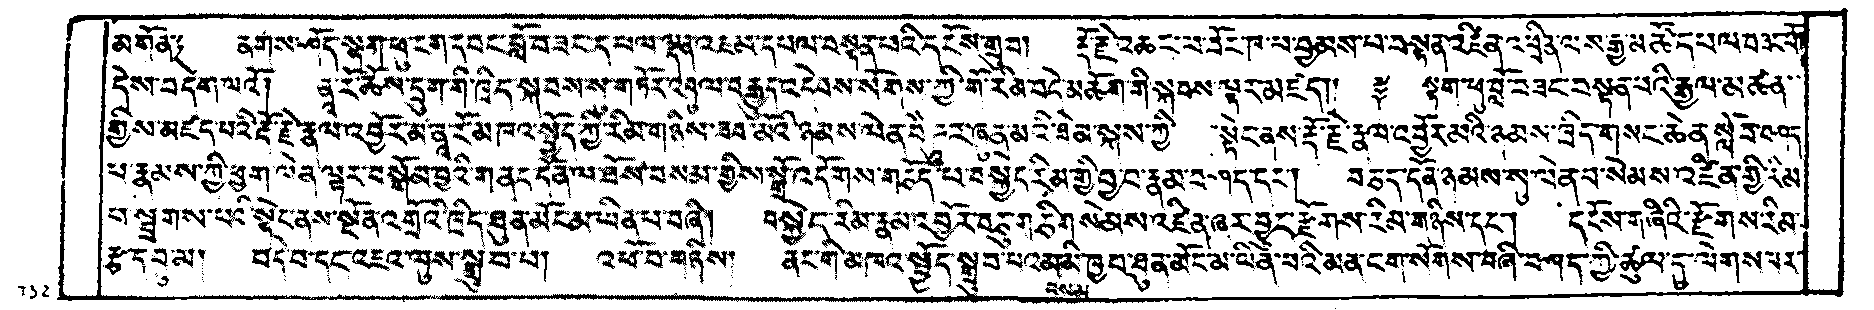མགོན༑ ནགས་ཤོད་སྟག་ཕུ་ངག་དབང་བློ་བཟང་དཔལ་ལྡན་འཇམ་དཔལ་བསྟན་པའི་དངོས་གྲུབ། རྡོ་རྗེ་འཆང་ཕ་བོང་ཁ་པ་བྱམས་པ་བསྟན་འཛིན་འཕྲིན་ལས་རྒྱ་མཚོ་དཔལ་བཟང་པོ།
དེས་བདག་ལའོ། ནཱ་རོ་ཆོས་དྲུག་གི་ཁྲིད་སྐབས་སུ་གཏོར་འབུལ་བརྒྱུད་འདེབས་སོགས་ཀྱི་གོ་རིམ་བདེ་མཆོག་གི་སྐབས་ལྟར་མཛད།། ༈ སྟག་ཕུ་བློ་བཟང་བསྟན་པའི་རྒྱལ་མཚན་
གྱིས་མཛད་པའི་རྡོ་རྗེ་རྣལ་འབྱོར་མ་ནཱ་རོ་མཁའ་སྤྱོད་ཀྱི་རིམ་གཉིས་ཟབ་མོའི་ཉམས་ལེན་བཻ་ཌཱུར་ཞུན་མའི་ཐེམ་སྐས་ཀྱི་སྟེང་ནས་རྡོ་རྗེ་རྣལ་འབྱོར་མའི་ཉམས་ཁྲིད་གསང་ཆེན་སློབ་བཤད་
པ་རྣམས་ཀྱི་ཕྱག་ལེན་ལྟར་བསྒོམ་བྱའི་གནད་དོན་ལ་ཐོས་བསམ་གྱིས་སྒྲོ་འདོགས་གཅོད་པ་བསྐྱེད་རིམ་གྱི་བྱ་བ་རྣམ་བཤད་དང་། བཅད་དོན་ཉམས་སུ་ལེན་པ་སེམས་འཛིན་གྱི་རིམ་
པ་སྦྲགས་པའི་སྟེང་ནས་སྔོན་འགྲོའི་ཁྲིད་ཐུན་མོང་མ་ཡིན་པ་བཞི། བསྐྱེད་རིམ་རྣམ་འབྱོར་བཅུ་གཅིག་སེམས་འཛིན་ཞར་བྱུང་རྫོགས་རིམ་གཉིས་དང་། དངོས་གཞིའི་རྫོགས་རིམ་
རྩ་དབུ་མ། བདེ་བ་དང་འཇའ་ལུས་སྒྲུབ་པ། འཕོ་བ་གཉིས། ནང་གི་མཁའ་སྤྱོད་སྒྲུབ་པའམ་བསམ་མི་ཁྱབ་ཐུན་མོང་མ་ཡིན་པའི་མན་ངག་སོགས་བཞི་བཤད་ཀྱི་ཚུལ་དུ་ལེགས་པར་